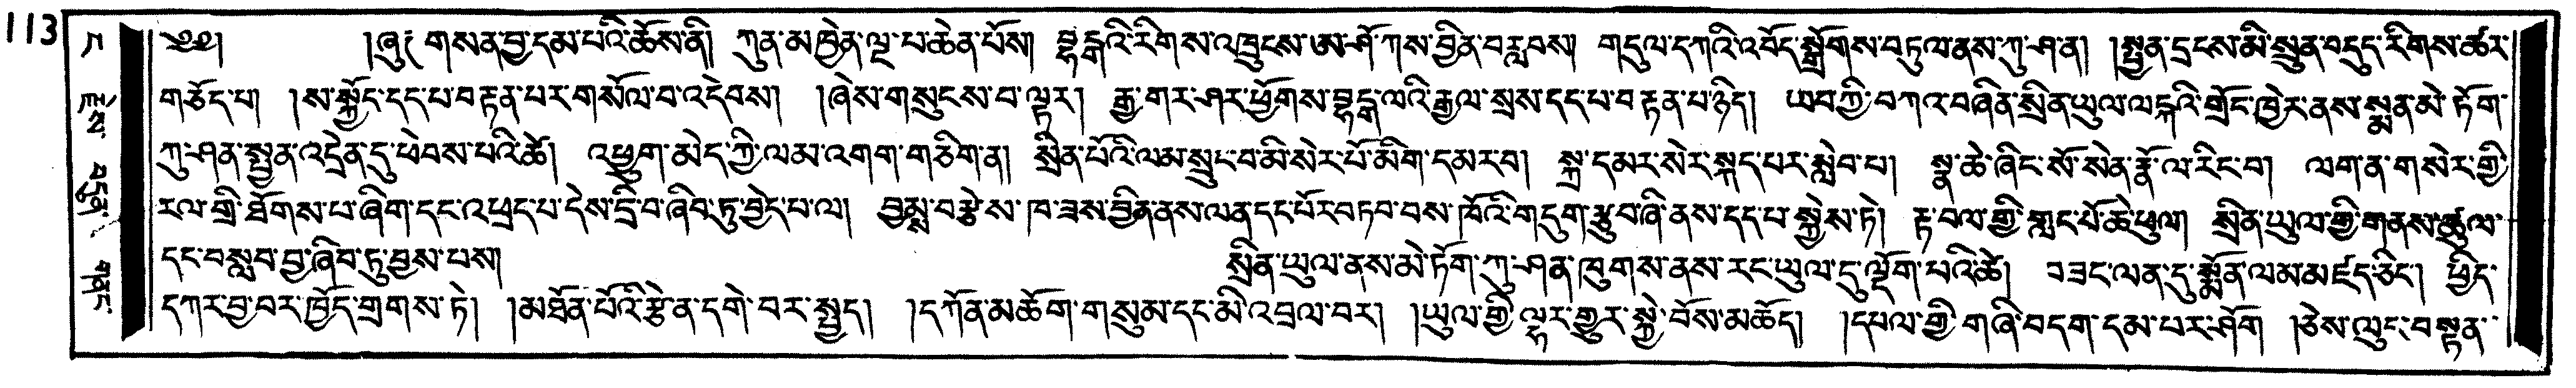༄༅། །ཞུ༑ གསན་བྱ་དམ་པའི་ཆོས་ནི། ཀུན་མཁྱེན་ལྔ་པ་ཆེན་པོས། བྷངྒའི་རིགས་འཁྲུངས་ཨ་ཤོ་ཀས་བྱིན་བརླབས། གདུལ་དཀའི་འབོད་སྒྲོགས་བཏུལ་ནས་ཀུ་ཤ་ན། །སྤྱན་དྲངས་མི་སྲུན་བདུད་རིགས་ཚར་
གཅོད་པ། །ས་སྐྱོང་དད་པ་བརྟན་པར་གསོལ་བ་འདེབས། །ཞེས་གསུངས་པ་ལྟར། རྒྱ་གར་ཤར་ཕྱོགས་བྷངྒ་ལའི་རྒྱལ་སྲས་དད་པ་བརྟན་པ་ཉིད། ཡབ་ཀྱི་བཀའ་བཞིན་སྲིན་ཡུལ་ལང་ཀའི་གྲོང་ཁྱེར་ནས་སྨན་མེ་ཏོག་
ཀུ་ཤན་སྤྱན་འདྲེན་དུ་ཕེབས་པའི་ཚེ། འཕྱུག་མེད་ཀྱི་ལམ་འགག་གཅིག་ན། སྲིན་པོའི་ལམ་སྲུང་བ་མི་སེར་པོ་མིག་དམར་བ། སྐྲ་དམར་སེར་སྐད་པར་སླེབ་པ། སྣ་ཆེ་ཞིང་སོ་སེན་རྣོ་ལ་རིང་བ། ལག་ན་གསེར་གྱི་
རལ་གྲི་ཐོགས་པ་ཞིག་དང་འཕྲད་པ་དེས་དྲི་བ་ཞིབ་ཏུ་བྱེད་པ་ལ། བྱམས་བརྩེས་ཁ་ཟས་བྱིན་ནས་ལན་དང་པོར་བཏབ་པས་ཁོའི་གདུག་རྩུབ་ཞི་ནས་དད་པ་སྐྱེས་ཏེ། རྟ་བལ་གྱི་གླང་པོ་ཆེ་ཕུལ། སྲིན་ཡུལ་གྱི་གནས་ཚུལ་
དང་བསླབ་བྱ་ཞིབ་ཏུ་བྱས་པས། སྲིན་ཡུལ་ནས་མེ་ཏོག་ཀུ་ཤན་ཁུགས་ནས་རང་ཡུལ་དུ་ལྡོག་པའི་ཚེ། བཟང་ལན་དུ་སྨོན་ལམ་མཛད་ཅིང་། ཕྱིད་
དཀར་བྱ་བར་ཁྱོད་གྲགས་ཏེ། །མཐོན་པོའི་རྩེ་ན་དགེ་བར་སྤྱད། །དཀོན་མཆོག་གསུམ་དང་མི་འབྲལ་བར། །ཡུལ་གྱི་ལྷར་གྱུར་སྐྱེ་བོས་མཆོད། །དཔལ་གྱི་གཞི་བདག་དམ་པར་ཤོག །ཅེས་ལུང་བསྟན་